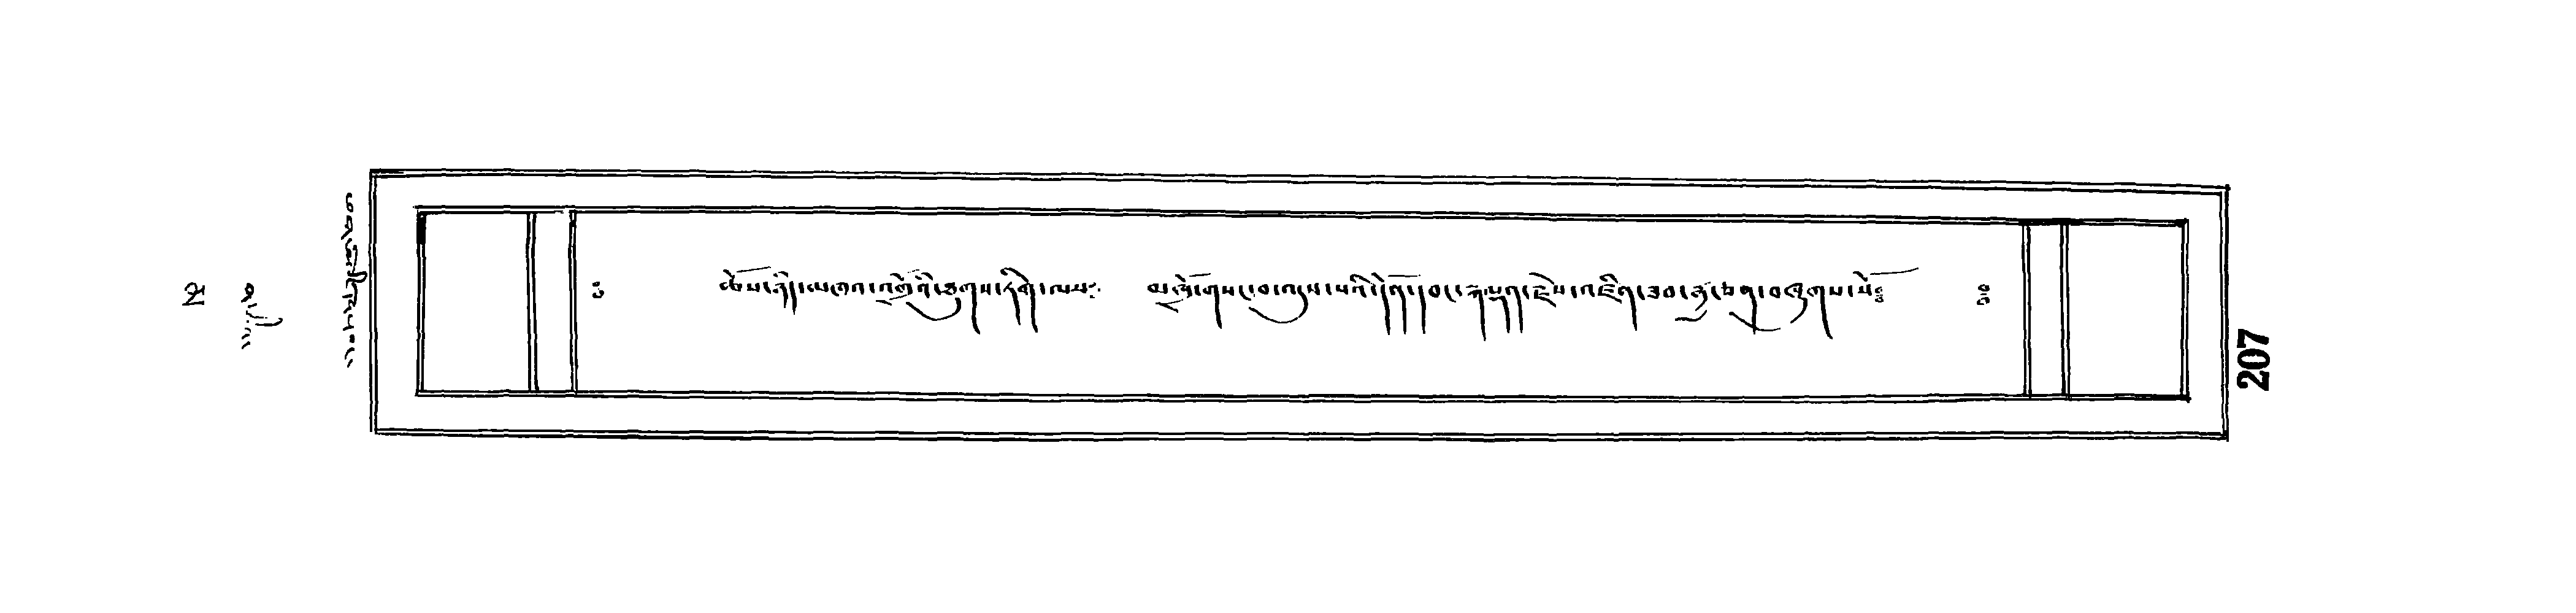༔ ཆོས་ཉིད་མཁའ་འགྲོའི་ཐུགས་ཏིག་ལས༔ མཁའ་འགྲོ་གསང་བ་འདུས་པའི་དོན་དབང་སྐལ་ལྡན་རྗེས་འཛིན་ཟབ་རྒྱ་ཅན་བཞུགས་སོ༔